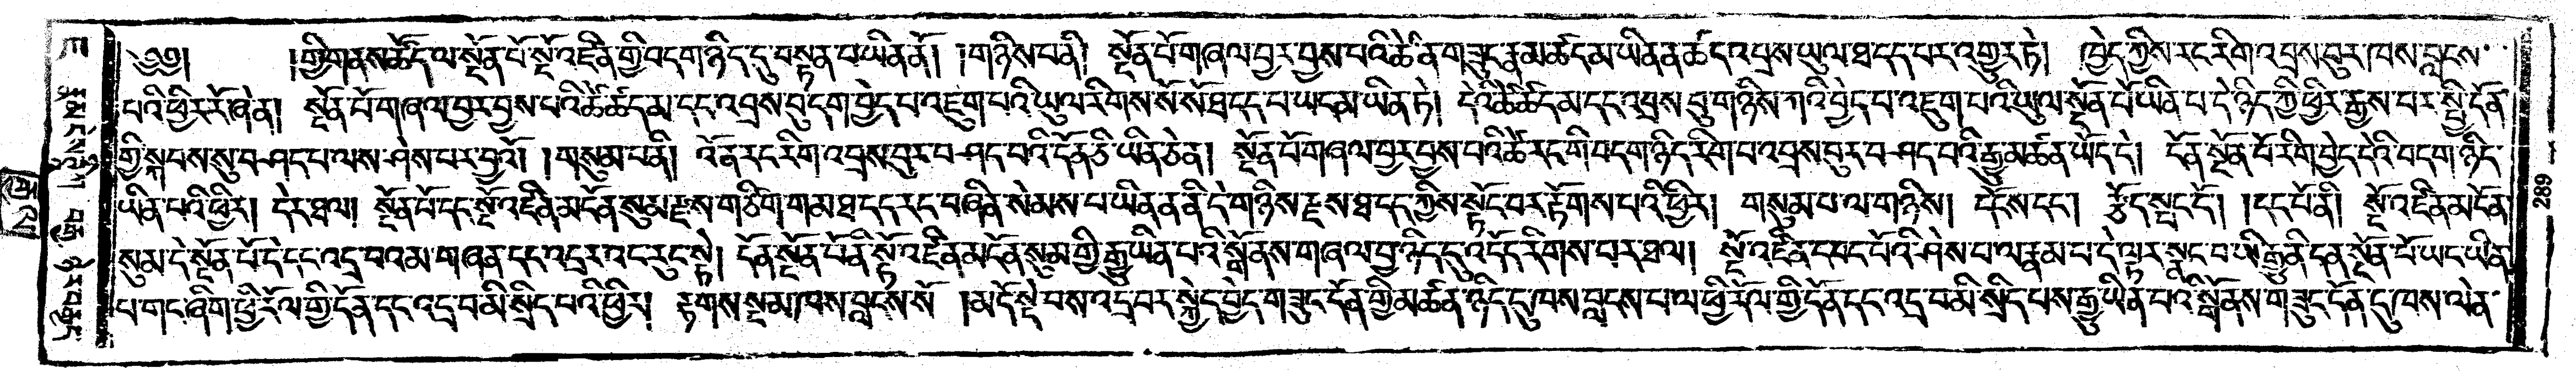༄༅། །གྱི་གནས་ཚོད་ལ་སྔོན་པོ་སྔོ་འཛིན་གྱི་བདག་ཉིད་དུ་བསྟན་པ་ཡིན་ནོ། །གཉིས་པ་ནི། སྔོན་པོ་གཞལ་བྱར་བྱས་པའི་ཚེ་ན་གཟུང་རྣམ་ཚད་མ་ཡིན་ན་ཚད་འབྲས་ཡུལ་ཐ་དད་པར་འགྱུར་ཏེ། ཁྱེད་ཀྱིས་རང་རིག་འབྲས་བུར་ཁས་བླངས་
པའི་ཕྱིར་རོ་ཞེ་ན། སྔོན་པོ་གཞལ་བྱར་བྱས་པའི་ཚེ་ཚད་མ་དང་འབྲས་བུ་དག་བྱེད་པ་འཇུག་པའི་ཡུལ་རིགས་སོ་སོ་ཐ་དད་པ་ཡོད་?་མ་ཡིན་ཏེ། དེའི་ཚེ་ཚད་མ་དང་འབྲས་བུ་གཉིས་ཀའི་བྱེད་པ་འཇུག་པའི་ཡུལ་སྔོན་པོ་ཡིན་པ་དེ་ཉིད་ཀྱི་ཕྱིར་རྒྱས་པར་སྤྱི་དོན་
གྱི་སྐབས་སུ་བཤད་པ་ལས་ཤེས་པར་བྱའོ། །གསུམ་པ་ནི། འོ་ན་རང་རིག་འབྲས་བུར་བཤད་པའི་དོན་ཅི་ཡིན་ཅེ་ན། སྔོན་པོ་གཞལ་བྱར་བྱས་པའི་ཚེ་རང་གི་བདག་ཉིད་རིག་པ་འབྲས་བུར་བཤད་པའི་རྒྱུ་མཚན་ཡོད་དེ། དོན་སྔོན་པོ་རིག་བྱེད་དེའི་བདག་ཉིད་
ཡིན་པའི་ཕྱིར། དེར་ཐལ། སྔོན་པོ་དང་སྔོ་འཛིན་མངོན་སུམ་རྫས་གཅིག་གམ་ཐ་དད་རང་བཞིན་སེམས་པ་ཡིན་ན་ནི་དེ་གཉིས་རྫས་ཐ་དད་ཀྱིས་སྟོང་པར་རྟོགས་པའི་ཕྱིར། གསུམ་པ་ལ་གཉིས། དངོས་དང་། རྩོད་སྤང་ངོ། །དང་པོ་ནི། སྔོ་འཛིན་མངོན་
སུམ་དེ་སྔོན་པོ་དེ་དང་འདྲ་བའམ་གཞན་དང་འདྲར་འང་རུང་སྟེ། དོན་སྔོན་པོ་ནི་སྟོ་འཛིན་མངོན་སུམ་གྱི་རྒྱུ་ཡིན་པའི་སྒོ་ནས་གཞལ་བྱ་ཉིད་དུ་འདོད་རིགས་པར་ཐལ། སྔོ་འཛིན་དབང་པོའི་ཤེས་པ་ལ་རྣམ་པ་དེ་ལྟར་སྣང་བ་ཡི་རྒྱུ་ནི་དན་སྔོན་པོ་ཡང་ཡིན་
པ་གང་ཞིག་ཕྱི་རོལ་གྱི་དོན་དང་འདྲ་བ་མི་སྲིད་པའི་ཕྱིར། རྟགས་སྔ་མ་ཁས་བླངས་སོ་།མདོ་སྡེ་པས་འདྲ་བར་སྐྱེད་བྱེད་གཟུང་དོན་གྱི་མཚན་ཉིད་དུ་ཁས་བླངས་པ་ལ་ཕྱི་རོལ་གྱི་དོན་དང་འདྲ་བ་མི་སྲིད་པས་རྒྱུ་ཡིན་པའི་སྒོ་ནས་གཟུང་དོན་དུ་ཁས་ལེན་